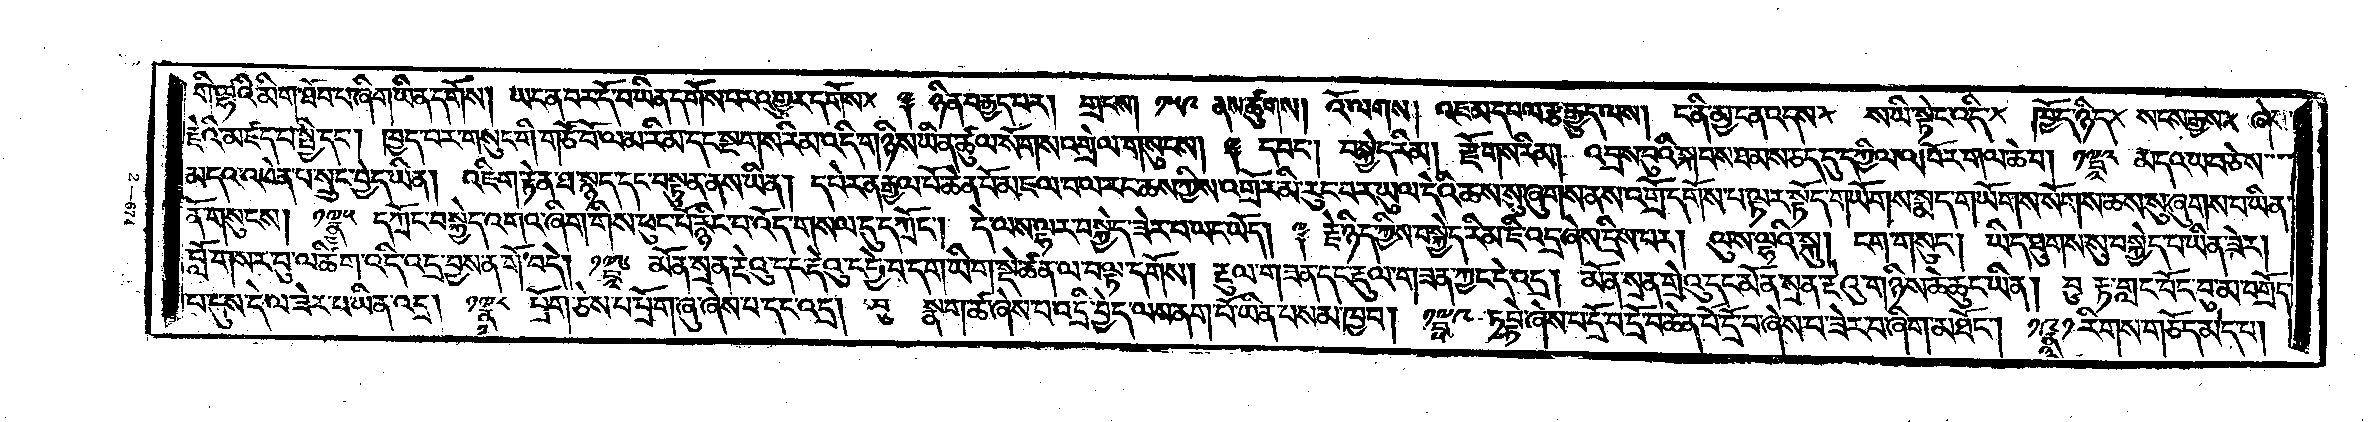གི་ལྷའི་མིག་ཐོབ་པ་ཞིག་ཡིན་དགོས། ཡང་ན་བར་དོ་བ་ཡིན་དགོས་པར་འགྱུར་དགོས་྾་༈ ཉིན་བརྒྱད་བར། གྲངས། ༡༥༩་ནས་ཚུགས། འོ་ལགས། འཇམ་དཔལ་རྩ་རྒྱུད་ལས། ང་ནི་མྱ་ངན་འདས་྾་ས་ལི་སྟེང་འདི་྾་ཁྱོད་ཉིད་྾་སངས་རྒྱས་྾་ཞེས་
རྗེའི་མཛད་པ་སྤྱི་དང་། ཁྱད་པར་གསུང་གི་གཙོ་བོ་ལམ་རིམ་དང་སྔགས་རིམ་འདི་གཉིས་ཡིན་ཚུལ་སོགས་འགྲེལ་གསུངས། ༈ དབང་། བསྐྱེད་རིམ། རྫོགས་རིམ། འབྲས་བུའི་སྐབས་ཐམས་ཅད་དུ་དཀྱིལ་འཁོར་གལ་ཆེ་བ། ༡༧༢བ༢་མདའ་ཡབ་ཅེས་
མདའ་འཕེན་པ་སྲུང་བྱེད་ཡིན། འཇིག་རྟེན་ཐ་སྙད་དང་བསྟུན་ནས་ཡིན། དཔེར་ན་རྒྱལ་པོ་ཆེན་པོ་མཇལ་བ་ལ་རང་ཆས་ཀྱིས་འགྲོར་མི་རུང་བར་ཡུལ་དེའི་ཆས་སུ་ཞུགས་ནས་འགྲོ་དགོས་པ་ལྟར་སྟོད་གཡོགས་སྨད་གཡོགས་སོགས་ཆས་སུ་ཞུགས་པ་ཡིན་
ནོ་གསུངས། ༡༧༥ན༤་དཀྲོང་བསྐྱེད་འགའ་ཞིག་གིས་ཕུང་པོ་རྙིང་པ་འོད་གསལ་དུ་དཀྲོང་། དེ་ལས་ལྷར་བསྐྱེད་ཟེར་བ་ཡང་ཡོད། ༈ རྗེ་ཉིད་ཀྱིས་བསྐྱེད་རིམ་ཇི་འདྲ་ཞེས་དྲིས་པར། ལུས་ལྷའི་སྐུ། ངག་གསུང་། ཡིད་ཐུགས་སུ་བསྐྱེད་པ་ཡིན་ཟེར།
བློ་གསར་བུ་ལ་ཚིག་འདི་འདྲ་བྱས་ན་གོ་བདེ། ༡༧༦བ༢་མོན་སྲན་རྡེའུ་དང་རྡེའུ་དབྱེ་བདག་ཡིན་སྡེ་ཚན་ལ་བལྟ་དགོས། རྡུལ་གཟན་དང་རྡུལ་གཟན་ཀྱང་དེ་འདྲ། མོན་སྲན་གྲེའུ་དང་མོན་སྲན་རྡེའུ་གཉིས་ཆེ་ཆུང་ཡིན། བ༦་རྟ་གླང་བོང་བུ་མ་བགྲོད་
པ་དུས་དེ་ལ་ཟེར་བ་ཡིན་འདྲ། ༡༧༨ན༢་པྲོག་ཅེས་པ་པྲོག་ཞུ་ཞེས་པ་དང་འདྲ། ༢བ༦་སྣག་ཚ་ཞེས་བ་འདྲི་བྱེད་ལས་ནག་པོ་ཡིན་བསམ་ཁྱབ། ༡༧༩བ༥་ཏབཏེ་ཞེས་པ་དྲོ་བ་དྲོ་བ་ཆེན་པོ་དྲོ་བ་ཞེས་པ་ཟེར་བ་ཞིག་མཐོང་། ༡༩༡ན༣་རིགས་གཅོད་མེད་པ།